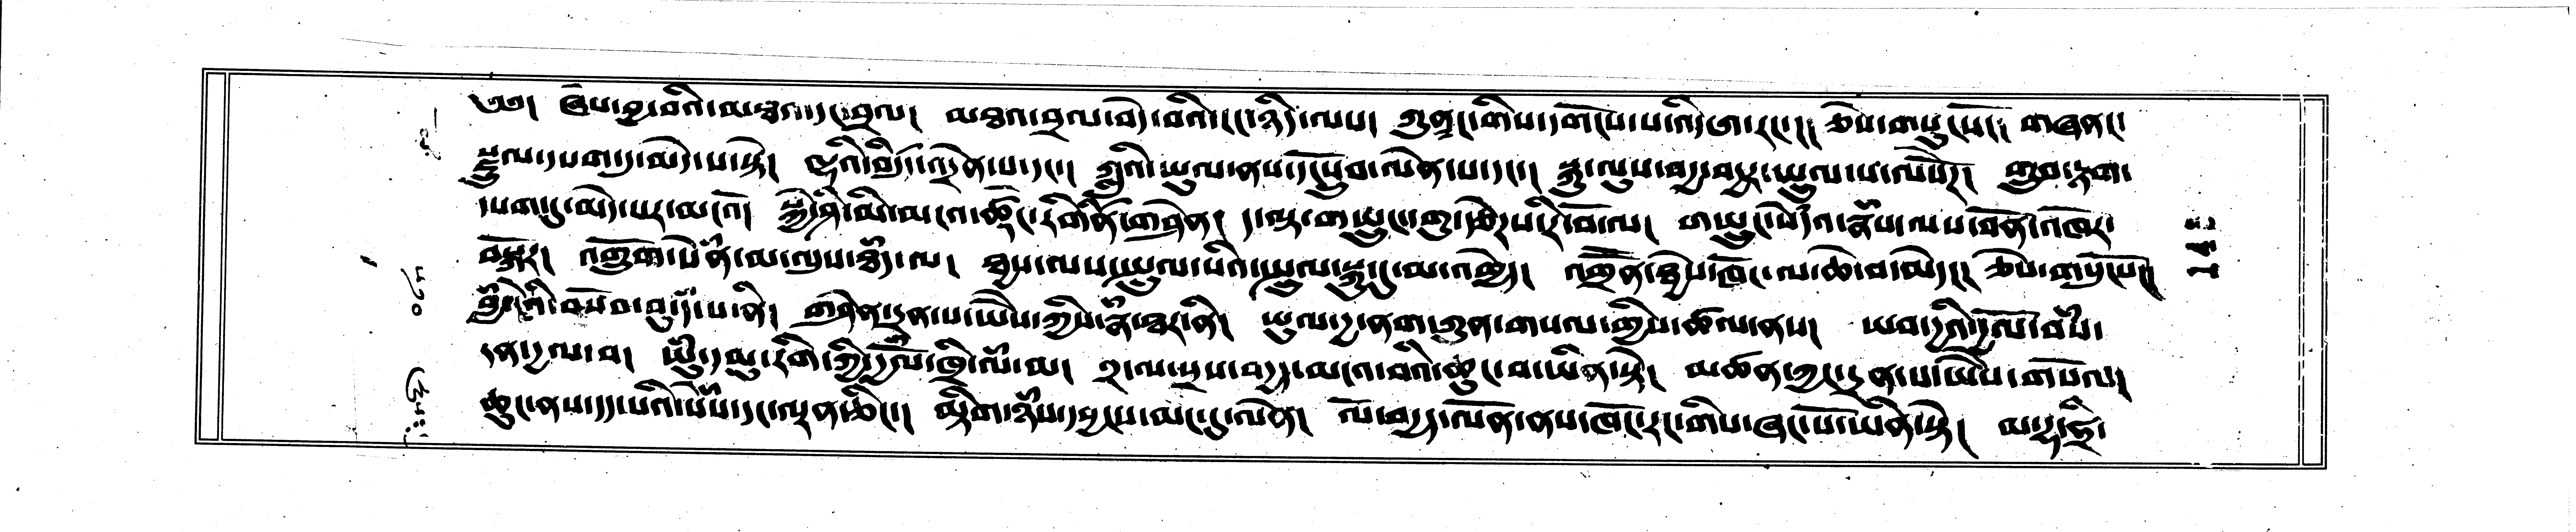ཞེས་བྱ་བའི་མཐའ་དང་བྲལ། མཐའ་བྲལ་བདེ་བའི་ངང་ཉིད་ལས། ཀུན་བཟང་གི་དགོངས་པ་དེ་ཀ་རང་། ཅེས་གསུངས་སོ། །གཞན་ཡང་
རྫུ་འཕྲུལ་དཔག་ཏུ་མེད་པ་སྟེ། ལྷའི་བདུད་རྩི་འདྲེན་པ་དང་། ཀླུའི་ཡུལ་ནས་དངོས་གྲུབ་ལེན་པ་དང་། སྐུ་ལུས་བརྒྱ་བརྒྱར་སྤྲུལ་པ་ལ་སོགས་ཏེ། གྲུབ་རྟགས་
དཔག་ཏུ་མེད་པ་མངའོ། །སྐྱེ་ཤི་མི་མངའ་ཚེ་དབང་རིག་འཛིན་གཤེན། ད་ལྟ་གཡུང་དྲུང་དགུ་བརྩེགས་རི་བོ་ལ། གཡུང་དྲུང་སེམས་དཔའ་རྣམས་ལ་བོན་འཁོར་
བསྐོར། འགྲོ་དྲུག་སེམས་ཅན་མ་ལུས་ཐམས་ཅད་ལ། ཐུགས་ལས་སྤྲུལ་པའི་སྤྲུལ་སྐུ་དུ་མ་འགྱེད། འགྲོ་དོན་ཐུགས་རྗེ་ཁོང་ལ་ཆེ་བ་མེད། ཅེས་གསུངས་སོ། 
།བླ་མ་དེའི་སློབ་བུ་དམ་པ་ནི། གཤེན་དྲན་པ་ཡེ་ཤེས་ཀྱི་རྣམ་ཐར་ནི། ཡུལ་རྒྱ་ནག་ཀུན་གསལ་གྱི་ཚལ་ནས། ཡབ་རྒྱའི་རྒྱལ་པོ་བསམ་
གཏན་རྒྱལ་བ། ཡུམ་དམུ་རིགས་ཀྱི་རྒྱལ་མོ་ཁྲི་ལམ་མ། གཉིས་ལ་སྲས་བརྒྱད་མངའ་བའི་ཆུང་བ་ཡིན་ཏེ། མཚན་ཀྱང་དྲན་པ་ཡེ་ཤེས་གསོལ།
 ཆུང་ནས་དད་པའི་སེམས་དང་ལྡན་ཅིང་། མི་རྟག་ཉམས་དབྱངས་མང་དུ་ལེན། ལོ་བརྒྱད་ལོན་ནས་ཁོང་རང་གི་ཞང་པོ་ཡིན་ཏེ། མ་དྷ་ཧྲི་